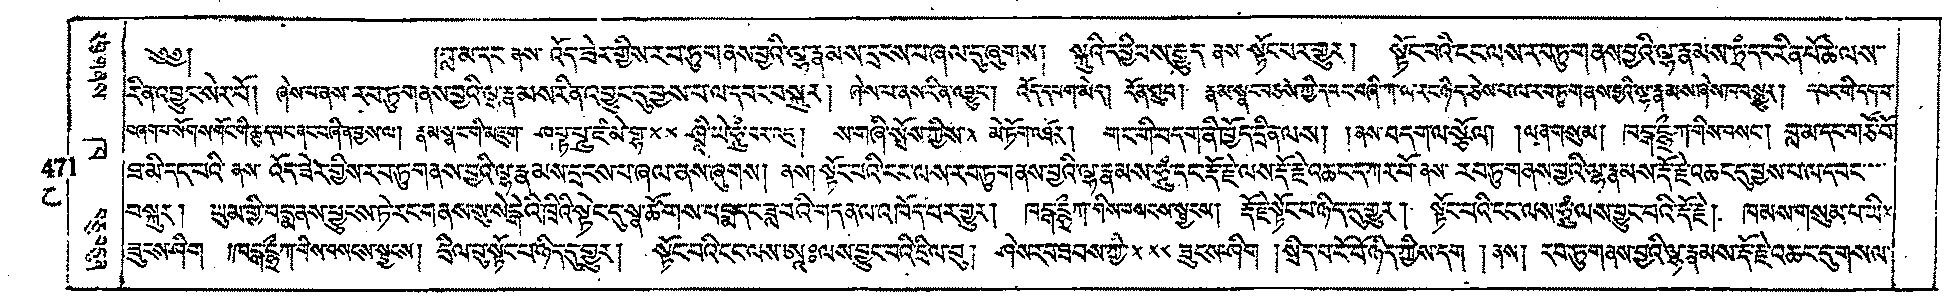༄༅། །བླ་མ་དང་ནས་འོད་ཟེར་གྱིས་རབ་ཏུ་གནས་བྱའི་ལྷ་རྣམས་དྲངས་པ་ཞལ་དུ་ཞུགས། སྐུའི་དབྱིབས་རྒྱུད་ནས་སྟོང་པར་གྱུར། སྟོང་པའི་ངང་ལས་རབ་ཏུ་གནས་བྱའི་ལྷ་རྣམས་ཏྲཾ་དང་རིན་པོ་ཆེ་ལས་
རིན་འབྱུང་སེར་པོ། ཞེས་པ་ནས་རབ་ཏུ་གནས་བྱའི་ལྷ་རྣམས་རིན་འབྱུང་དུ་བྱས་པ་ལ་དབང་བསྐུར། ཞེས་པ་ནས་རིན་འབྱུང་། འོད་དཔག་མེད། དོན་གྲུབ། རྣམ་སྣང་བཅས་ཀྱི་དབང་བཞི་ཀ་ལ་རང་ཉིད་ཅེས་པ་ལ་རབ་ཏུ་གནས་བྱའི་ལྷ་རྣམས་ཞེས་ཁ་བསྒྱུར། དབང་གི་དག་པ་
བཞག་པ་སོགས་གོང་གི་ཆུ་དབང་ནང་བཞིན་བྱས་ལ། རྣམ་སྣང་གི་མཇུག་ཤཔྟ་པཱུ་ཛ་མེ་གྷ་྾་྾་ཤྲཱི་ཡེ་ཧཱུཾ་བར་འདྲ།  ས་གཞི་སྤོས་ཀྱིས་྾་མེ་ཏོག་འཐོར།  གང་གི་བདག་ནི་ཁྱོད་དྲིན་ལས། །ནས་བདག་ལ་སྩོལ། །ལན་གསུམ།  ཁངྒ་དྷྲྀ་ཀ་གིས་བསང་། བླ་མ་དང་གཙོ་བོ་
ཐ་མི་དད་པའི་ནས་འོད་ཟེར་གྱིས་རབ་ཏུ་གནས་བྱའི་ལྷ་རྣམས་དྲངས་པ་ཞལ་ནས་ཞུགས། ནས།  སྟོང་པའི་ངང་ལས་རབ་ཏུ་གནས་བྱའི་ལྷ་རྣམས་ཧཱུཾ་དང་རྡོ་རྗེ་ལས་རྡོ་རྗེ་འཆང་དཀར་པོ་ནས་རབ་ཏུ་གནས་བྱའི་ལྷ་རྣམས་རྡོ་རྗེ་འཆང་དུ་བྱས་པ་ལ་དབང་
བསྐུར། ཡུམ་གྱི་པདམ་ནས་ཕྱུངས་ཏེ་རང་གནས་སུ་སེངྒེའི་ཁྲིའི་སྟེང་དུ་སྣ་ཚོགས་པདམ་དང་ཟླ་བའི་གདན་ལ་འཁོད་པར་གྱུར། ཁངྒ་དྷྲྀ་ཀ་གིས་བསངས་སྦྱངས།  རྡོ་རྗེ་སྟོང་པ་ཉིད་དུ་གྱུར། སྟོང་པའི་ངང་ལས་ཧཱུཾ་ལས་བྱུང་བའི་རྡོ་རྗེ། ཁམས་གསུམ་པ་ཡི་྾་
ཟུངས་ཤིག །ཁངྒ་དྷྲྀ་ཀ་གིས་བསངས་སྦྱངས།  དྲིལ་བུ་སྟོང་པ་ཉིད་དུ་གྱུར། སྟོང་པའི་ངང་ལས་ཨཱཿལས་བྱུང་བའི་དྲིལ་བུ། ཤེས་རབ་ཐབས་ཀྱི་྾་྾་྾་ཞུངས་ཤིག །སྲིད་པ་ངོ་བོ་ཉིད་ཀྱིས་དག་།ནས།  རབ་ཏུ་གནས་བྱའི་ལྷ་རྣམས་རྡོ་རྗེ་འཆང་དུ་གསལ་